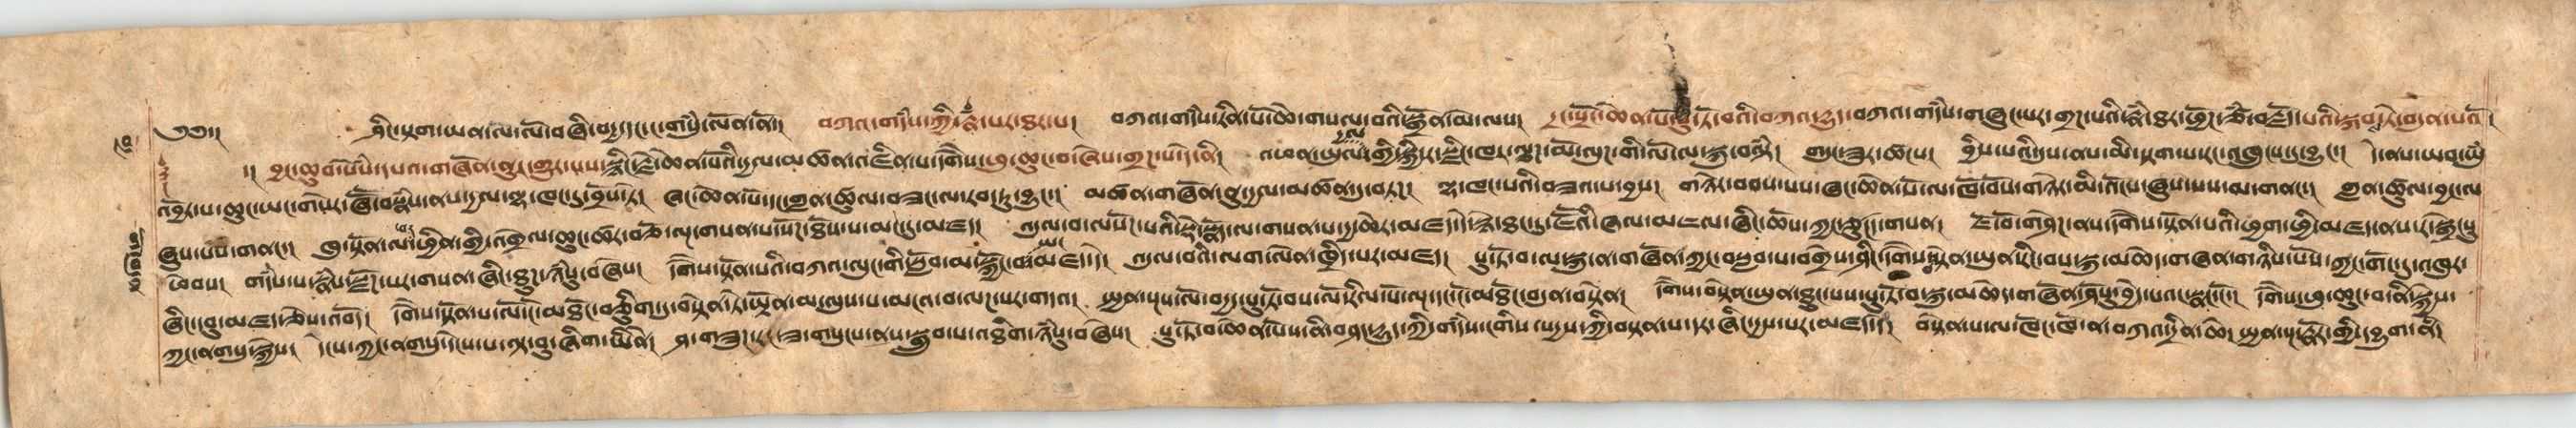༄༅་། ཤིང་སྟག་ཡན་ལེ་ལོ་བཞི་བདྱ་དང་ང་གསུཾ་ལོན་ནོ་། བཀའ་གདཾས་ཀྱི་རྣཾ་པར་ཐར་པ། བཀའ་གདཾས་རིན་པོ་ཆེ་གསལ་བའི་སྒྲོན་མེ་ལས། དྲང་སྲོང་ཆེན་པོ་པུ་ཏོ་བའི་བཀའ་དྱུད་བཀའ་གདཾས་གཞུང་པར་གྲཌ་པའི་རྣཾ་ཐར་ཕྱོཌ་ཙཾ་བརྗོད་པའི་སྐབ
་། བྱང་ཆུབ་སེཾས་དཔའ་གཞོན་ནུར་གྱུར་པས་སྙིང་རྗེ་ཆེན་པོའི་དྱལ་མཚན་འཛིན་པ་དགཻསཕུ་ཆུང་བ་ཞེས་གྲཌ་པ་དེ་ནི། འཕན་ཡུལ་གྱི་སྐྱི་ར་སྫིང་ཁར་ལྕཌ་མོ་ལུཌ་གི་ལོ་ལ་སྐུ་བལྟཾ། གདུང་ཟུར་ཚངས། བྱིས་པའི་དུས་ནས་མི་རྟག་པ་རང་འཁྲུངས་དུ་བྱུང་། དེ་ནས་ཡབ་ཡུཾ
འབྱོར་པ་ཆུང་ཡང་གསེར་ཞཽ་བསྣཾས་ནས་དྱལ་ལྷ་ཁང་དུ་བྲོས་ཏེ། ཞང་ཆེན་པོ་དང་གླན་ཚུལ་དབཟང་ལ་རབ་ཏུ་བྱུང་། མཚན་གཞོན་ནུ་དྱལ་མཚན་དུ་བཏཌ། ལྷ་ཁང་པའི་བཟའ་པ་བྱས། གཉེར་བབས་པས་ཞང་ཆེན་པོ་ལ་ཁོ་བོས་གཉེར་མི་འོངས་ཞུས་པས་མ་གནང་། གླན་ཚུལ་བྱང་ལ་
ཞུས་པས་གནང་། ཁུ་སྟོན་ལ་ཕར་ཕྱིན་གྱི་འགྲེལ་ཆུང་ཚར་བཅོ་ལྔ་གསན་པ་སོཌ་ཐོས་པ་མང་དུ་མཛད། འདུལ་བ་ལསོཌ་པའི་སྡེ་སྣོད་ལ་གསན་པ་དྱ་ཆེར་མཛད་དེ་སྙེ་ཐང་དུ་ཇཽའི་ཞལ་མཇལ་ཞིང་ཆོས་ཀྱང་ཅུངཟད་གསན། ཇོ་བོ་གཤེཌ་ནས་དགཻས་སྟོན་པའི་ཕྱག་ཕྱི་མཛད་ནས་ར་སྒྲེངསུ
ཕེབས། གདཾས་པ་རྣཾས་སྫོཌ་པར་གསན་ཞིང་ཐུཌ་ཉཾསུ་བཞེས། དགཻས་སྟོན་པའི་བཀའ་ལུང་གི་སློབ་མ་སྐྱོང་བ་ཡང་མཛད་དེ། འདུལ་བའི་ལག་ལེན་ཁྲིད་པར་མཛད། པུ་ཏོ་བ་ལ་སྐུ་ན་གཞོན་ཀྱང་བསླབ་པ་བགྲེས་ཤིང་དགཻས་བསྟེན་ཡུན་རིང་བས་སྐུ་མཆེད་གཞན་གཉིས་པོས་ཀྱང་གོང་དུ་འཁུར་
ཞིང་དབུ་མཛད་ཅེས་འབོད། དགཻས་སྟོན་པ་ལོ་ངོ་མཐོང་བཅིུག་དུ་བསྟེན་ཏེ་ཡྟོན་མ་ལུས་པ་མངའ་བ་ལཌ་པར་གདའ། སྤྱན་སྔས་ལོ་བདྱད་པུ་ཏོ་བས་ལོ་རིལ་པོ་ལྔ་དང་ངོ་མཐོང་བདུན་བསྟེན། དགཻས་བསྟེན་ཡུན་ཐུང་པས་པུ་ཏོ་བ་སྐུ་མཆེད་གཞོན་ཤོསུ་བྱེད་པའང་སྣང་ངོ་། དགཻས་ཕུ་ཆུང་བ་ནི་སྐྱེས་
ཀྱང་ནགསུ་སྐྱེས། དེངས་ཀྱང་ནགསུ་དེངས་པ་ལྟ་བུ་ཞིག་ཡིནེ། ཤ་གཟུཌ་རང་ཟ་གསུངས་ནས་སྒྲུབ་པ་འཐིག་ཉཾསུ་བཞེས། པུ་ཏོ་བ་ཆེན་པོས་ནི་བཤད་དྱུད་ཀྱི་གདཾས་ངགིས་སདྱས་ཀྱི་བསྟན་པ་དར་ཞིང་དྱས་པར་མཛད་དེ། བསྟེན་པ་ལ་ཁོང་ཁོ་ན་བཀའ་དྲིན་ཆེ་སྤྱན་སྔ་རྣོར་གྱི་དབྱུག་ནི།